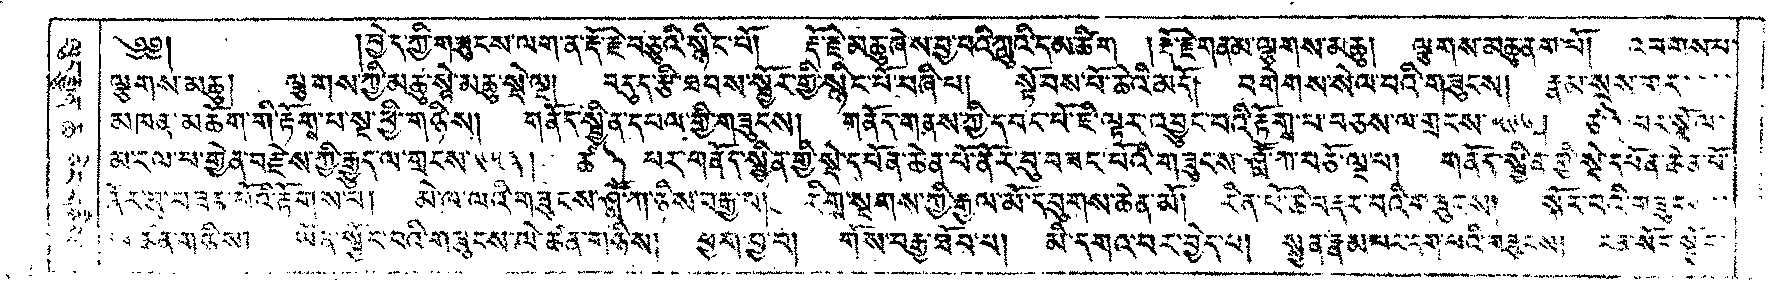༄༅། །བྱེད་ཀྱི་གཟུངས་ལག་ན་རྡོ་རྗེ་བཅུའི་སྙིང་པོ། རྡོ་རྗེ་མཆུ་ཞེས་བྱ་བའི་ཀླུའི་དམ་ཚིག །རྡོ་རྗེ་གནམ་ལྕགས་མཆུ། ལྕགས་མཆུ་ནག་པོ། འཕགས་པ་
ལྕགས་མཆུ། ལྕགས་ཀྱི་མཆུ་སྟེ་མཆུ་སྡེ་ལྔ། བདུད་རྩི་ཐབས་སྦྱོར་གྱི་སྙིང་པོ་བཞི་པ། སྟོབས་པོ་ཆེའི་མདོ། བགེགས་སེལ་བའི་གཟུངས། རྣམ་སྲས་གར་
མཁན་མཆོག་གི་རྟོགས་པ་སྔ་ཕྱི་གཉིས། གནོད་སྦྱིན་དཔལ་གྱི་གཟུངས། གནོད་གནས་ཀྱི་དབང་པོ་ཇི་ལྟར་འབྱུང་བའི་རྟོགས་པ་བཅས་ལ་གྲངས ༥༤༦། ཙ}་པར་སྒྲོལ་
མ་རལ་པ་གྱེན་བརྫེས་ཀྱི་རྒྱུད་ལ་གྲངས ༤༥༣། ཚ}་པར་གནོད་སྦྱིན་གྱི་སྡེ་དཔོན་ཆེན་པོ་ནོར་བུ་བཟང་པོའི་གཟུངས་ཤླཽ་ཀ་བཅོ་ལྔ་པ། གནོད་སྦྱིན་གྱི་སྡེ་དཔོན་ཆེན་པོ་
ནོར་བུ་བཟང་པོའི་རྟོགས་པ། མེ་ཁ་ལའི་གཟུངས་ཤླཽ་ཀ་ཉིས་བརྒྱ་པ། རིགས་སྔགས་ཀྱི་རྒྱལ་མོ་དབུགས་ཆེན་མོ། རིན་པོ་ཆེ་བརྡར་བའི་གཟུངས། སྐོར་བའི་གཟུངས་
ལེ་ཚན་གཉིས། ཡོན་སྦྱོང་བའི་གཟུངས་ལེ་ཚན་གཉིས། ཕྱག་བྱ་བ། གོས་བརྒྱ་ཐོབ་པ། མི་དགའ་བར་བྱེད་པ། སྤྱན་རྣམ་པར་དག་པའི་གཟུངས། ངན་སོང་སྦྱོང་